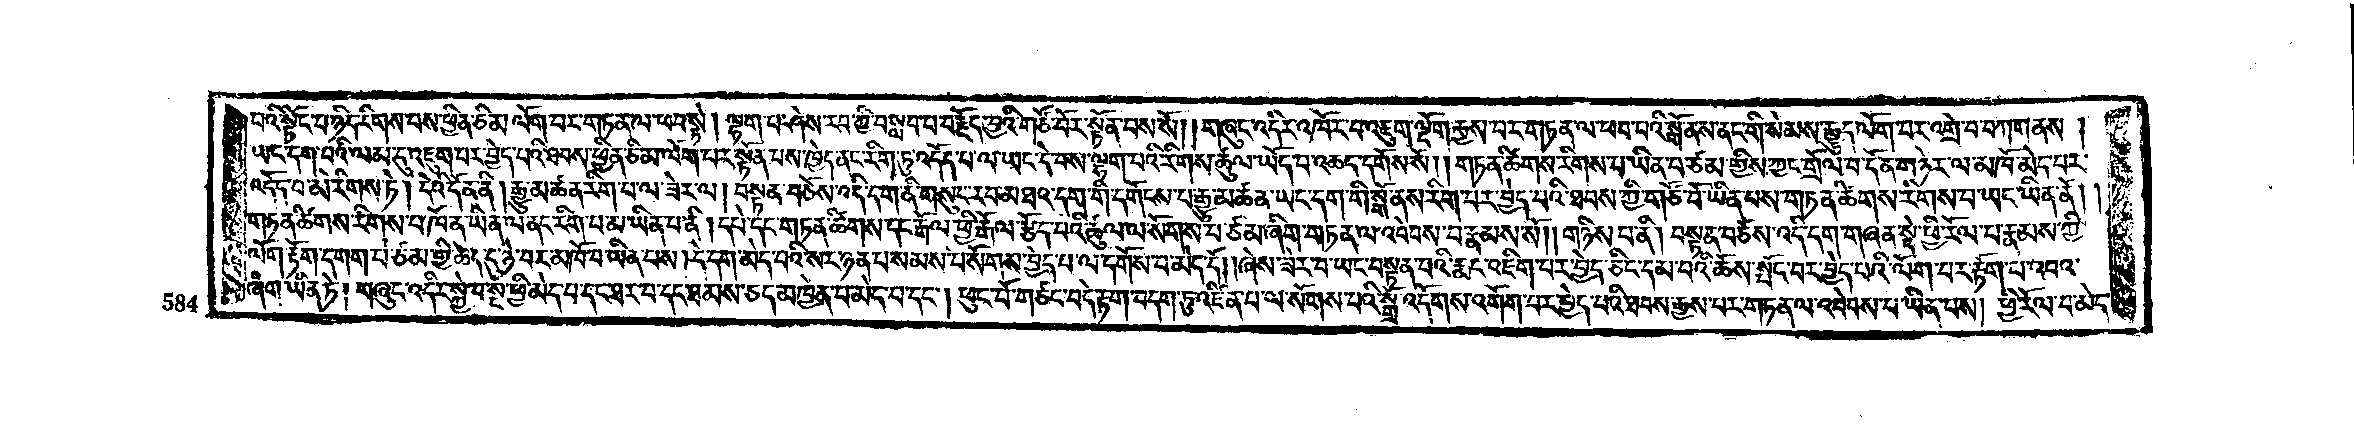པའི་སྟོང་པ་ཉིད་རིགས་པས་ཕྱིན་ཅི་མ་ལོག་པར་གཏན་ལ་ཕབ་སྟེ། ལྷག་པ་ཤེས་རབ་ཀྱི་བསླབ་པ་བརྗོད་བྱའི་གཙོ་བོར་སྟོན་པས་སོ། །གཞུང་འདིར་འཁོར་བ་འཇུག་ལྡོག་རྒྱས་པར་གཏན་ལ་ཕབ་པའི་སྒོ་ནས་ནང་གི་སེམས་རྒྱུད་ལོག་པར་འགྲེ་བ་བཀག་ནས།
ཡང་དག་པའི་ལམ་དུ་འཇུག་པར་བྱེད་པའི་ཐབས་ཕྱིན་ཅི་མ་ལོག་པར་སྟོན་པས་ཁྱེད་ནང་རིག་ཏུ་འདོད་པ་ལ་ཡང་དེ་བས་ལྷག་པའི་རིགས་ཚུལ་ཡོད་པ་འཆད་དགོས་སོ། །གཏན་ཚིགས་རིགས་པ་ཡིན་པ་ཙམ་གྱིས་ཀྱང་གྲོལ་བ་དོན་གཉེར་ལ་མཁོ་མེད་པར་
འདོད་པ་མི་རིགས་ཏེ། དེའི་དོན་ནི། རྒྱུ་མཚན་རིག་པ་ལ་ཟེར་ལ། བསྟན་བཅོས་འདི་དག་ནི་གསུང་རབ་མཐའ་དག་གི་དགོངས་པ་རྒྱུ་མཚན་ཡང་དག་གི་སྒོ་ནས་རིག་པར་བྱེད་པའི་ཐབས་ཀྱི་གཙོ་བོ་ཡིན་པས་གཏན་ཚིགས་རིགས་པ་ཡང་ཡིན་ནོ། །
གཏན་ཚིགས་རིགས་པ་ཁོ་ན་ཡིན་ལ་ནང་རིག་པ་མ་ཡིན་པ་ནི། དཔེ་དང་གཏན་ཚིགས་དང་རྒོལ་ཕྱི་རྒོལ་རྩོད་པའི་ཚུལ་ལ་སོགས་པ་ཙམ་ཞིག་གཏན་ལ་འབེབས་པ་རྣམས་སོ། །གཉིས་པ་ནི། བསྟན་བཅོས་འདི་དག་གཞན་སྡེ་ཕྱི་རོལ་པ་རྣམས་ཀྱི་
ལོག་རྟོག་དགག་པ་ཙམ་གྱི་ཆེད་དུ་ཉེ་བར་མཁོ་བ་ཡིན་པས། དེ་དག་མེད་པའི་སར་ཉན་པ་སེམས་པ་སོགས་བྱེད་པ་ལ་དགོས་པ་མེད་དོ། །ཞེས་ཟེར་བ་ཡང་བསྟན་པའི་རྨང་འཇིག་པར་བྱེད་ཅིང་དམ་པའི་ཆོས་སྤོང་བར་བྱེད་པའི་ལོག་པར་རྟོག་པ་འབའ་
ཞིག་ཡིན་ཏེ། གཞུང་འདིར་སྐྱེ་བ་སྔ་ཕྱི་མེད་པ་དང་ཐར་པ་དང་ཐམས་ཅད་མཁྱེན་པ་མེད་པ་དང་། ཕུང་པོ་གཙང་བདེ་རྟག་བདག་ཏུ་འཛིན་པ་ལ་སོགས་པའི་སྒྲོ་འདོགས་འགོག་པར་བྱེད་པའི་ཐབས་རྒྱས་པར་གཏན་ལ་འབེབས་པ་ཡིན་པས། ཕྱིར་རོལ་པ་མེད་